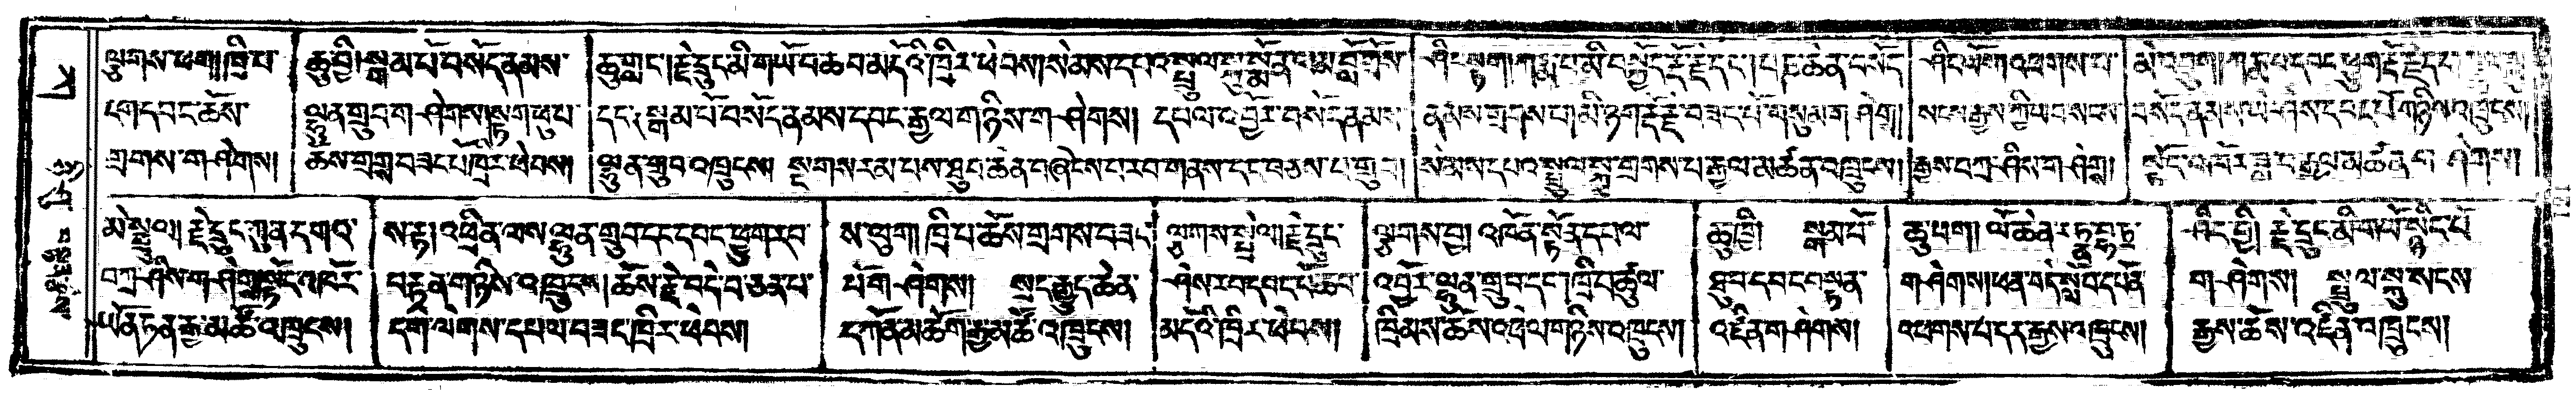༄༅། །ལྕགས་ཕག །ཁྲི་པ། ཆུ་བྱི། སྒམ་པོ་བསོད་ནམས་ཆུ་གླང་། རྗེ་དྲུང་མི་གཡོ་བ་ཆབ་མདོའི་ཁྲིར་ཕེབས། སེམས་དཔའ་སྤྲུལ་སྐུ་སྨོན་ལམ་བློ་གྲོས་ཤིང་སྟག །ཀརྨ་པ་མི་བསྐྱོད་རྡོ་རྗེ་དང་། པཎ་ཆེན་བསོད་ཤིང་ཡོག་འཕགས་པ་མེ་འབྲུག། ཀརྨ་པ་དབང་ཕྱུག་ནོར་??
ངག་དབང་ཆོས། ལྷུན་གྲུབ་གཤེགས། སྟག་ཕུ་པ་དང་། སྒམ་པོ་བསོད་ནམས་དབང་རྒྱལ་གཉིས་གཤེགས། དཔལ་འབྱོར་བསོད་ནམ་པ་ནམས་གྲངས་པ། ཉི་ཉག་རྡོ་རྗེ་བཟང་པོ་གསུམ་གཤེགས། སངས་རྒྱས་ཀྱི་ཡབ་སངས་བསོད་ནམས་ཡེ་ཤེས་དབང་པོ་གཉིས་པའི?་ཟིམགས?
གྲགས་གཤེགས། ཆོས་གྲགས་བཟང་པོ་ཁྲིར་ཕེབས། ལྷུན་གྲུབ་འཁྲུངས། སྔ་གསར་མ་པས་ཐུབ་ཆེན་བཞེངས་པ་རབ་གནས་དང་བཅས་པ་གྲུབ། སེམས་དཔའ་སྤྲུལ་སྐུ་གྲངས་པ་རྒྱལ་མཚན་འཁྲུངས། རྒྱས་བཀྲ་ཤིས་གཤེགས། སྟོང་འཁོར་ཟླ་བ་རྒྱལ་མཚན་གཤེགས།
ཡེ་སྦྲུལ། རྗེ་དྲུང་ཀུན་དགའ་ས་རྟ། འཕྲིན་ལས་ལྷུན་གྲུབ་དང་དབང་ཕྱུག་རབ་ས་ལུག །ཁྲི་པ་ཆོས་གྲགས་བཟང་། ལྕགས་སྤྲེལ། རྗེ་དྲུང་། ལྕགས་བྱ། འཁོན་སྟོན་དཔལ་ཆུ་ཁྱི། སྒམ་པོ་ཆུ་ཕག །ལོ་ཆེན་རཏྣ་བྷ་ཏྲ་ཤིང་གྱི། རྗེ་དྲུང་མི་གཡོ་སྙིང་པོ་
བཀྲ་ཤིས་གཤེགས་སྟོང་འཁོར་བརྟན་གཉིས་འཁྲུངས། ཆོས་རྗེ་བདེ་བ་ཅན་པ་པོ་གཤེགས། སྲད་རྒྱུད་ཆེན་ཤེས་རབ་དབང་པོ་ཆབ་འབྱོར་ལྷུན་གྲུབ་དང་། ཁྲི་བ་ཚུལ་ཐུབ་དབང་བསྟན་གཤེགས། ཕན་བདེ་སློབ་དཔོན་གཤེགས། སྤྲུལ་སྐུ་སངས་
ཡོན་ཏན་རྒྱ་མཚོ་འཁྲུངས། དགེ་ལེགས་དཔལ་བཟང་ཁྲིར་ཕེབས། དཀོན་མཆོག་རྒྱ་མཚོ་འཁྲུངས། མདོའི་ཁྲིར་ཕེབས། ཁྲིམས་ཆོས་འཕྲེལ་གཉིས་འཁྲུངས། འཛིན་གཤེགས། འཕགས་པ་དར་རྒྱས་འཁྲུངས། རྒྱས་ཆོས་འཛིན་འཁྲུངས།